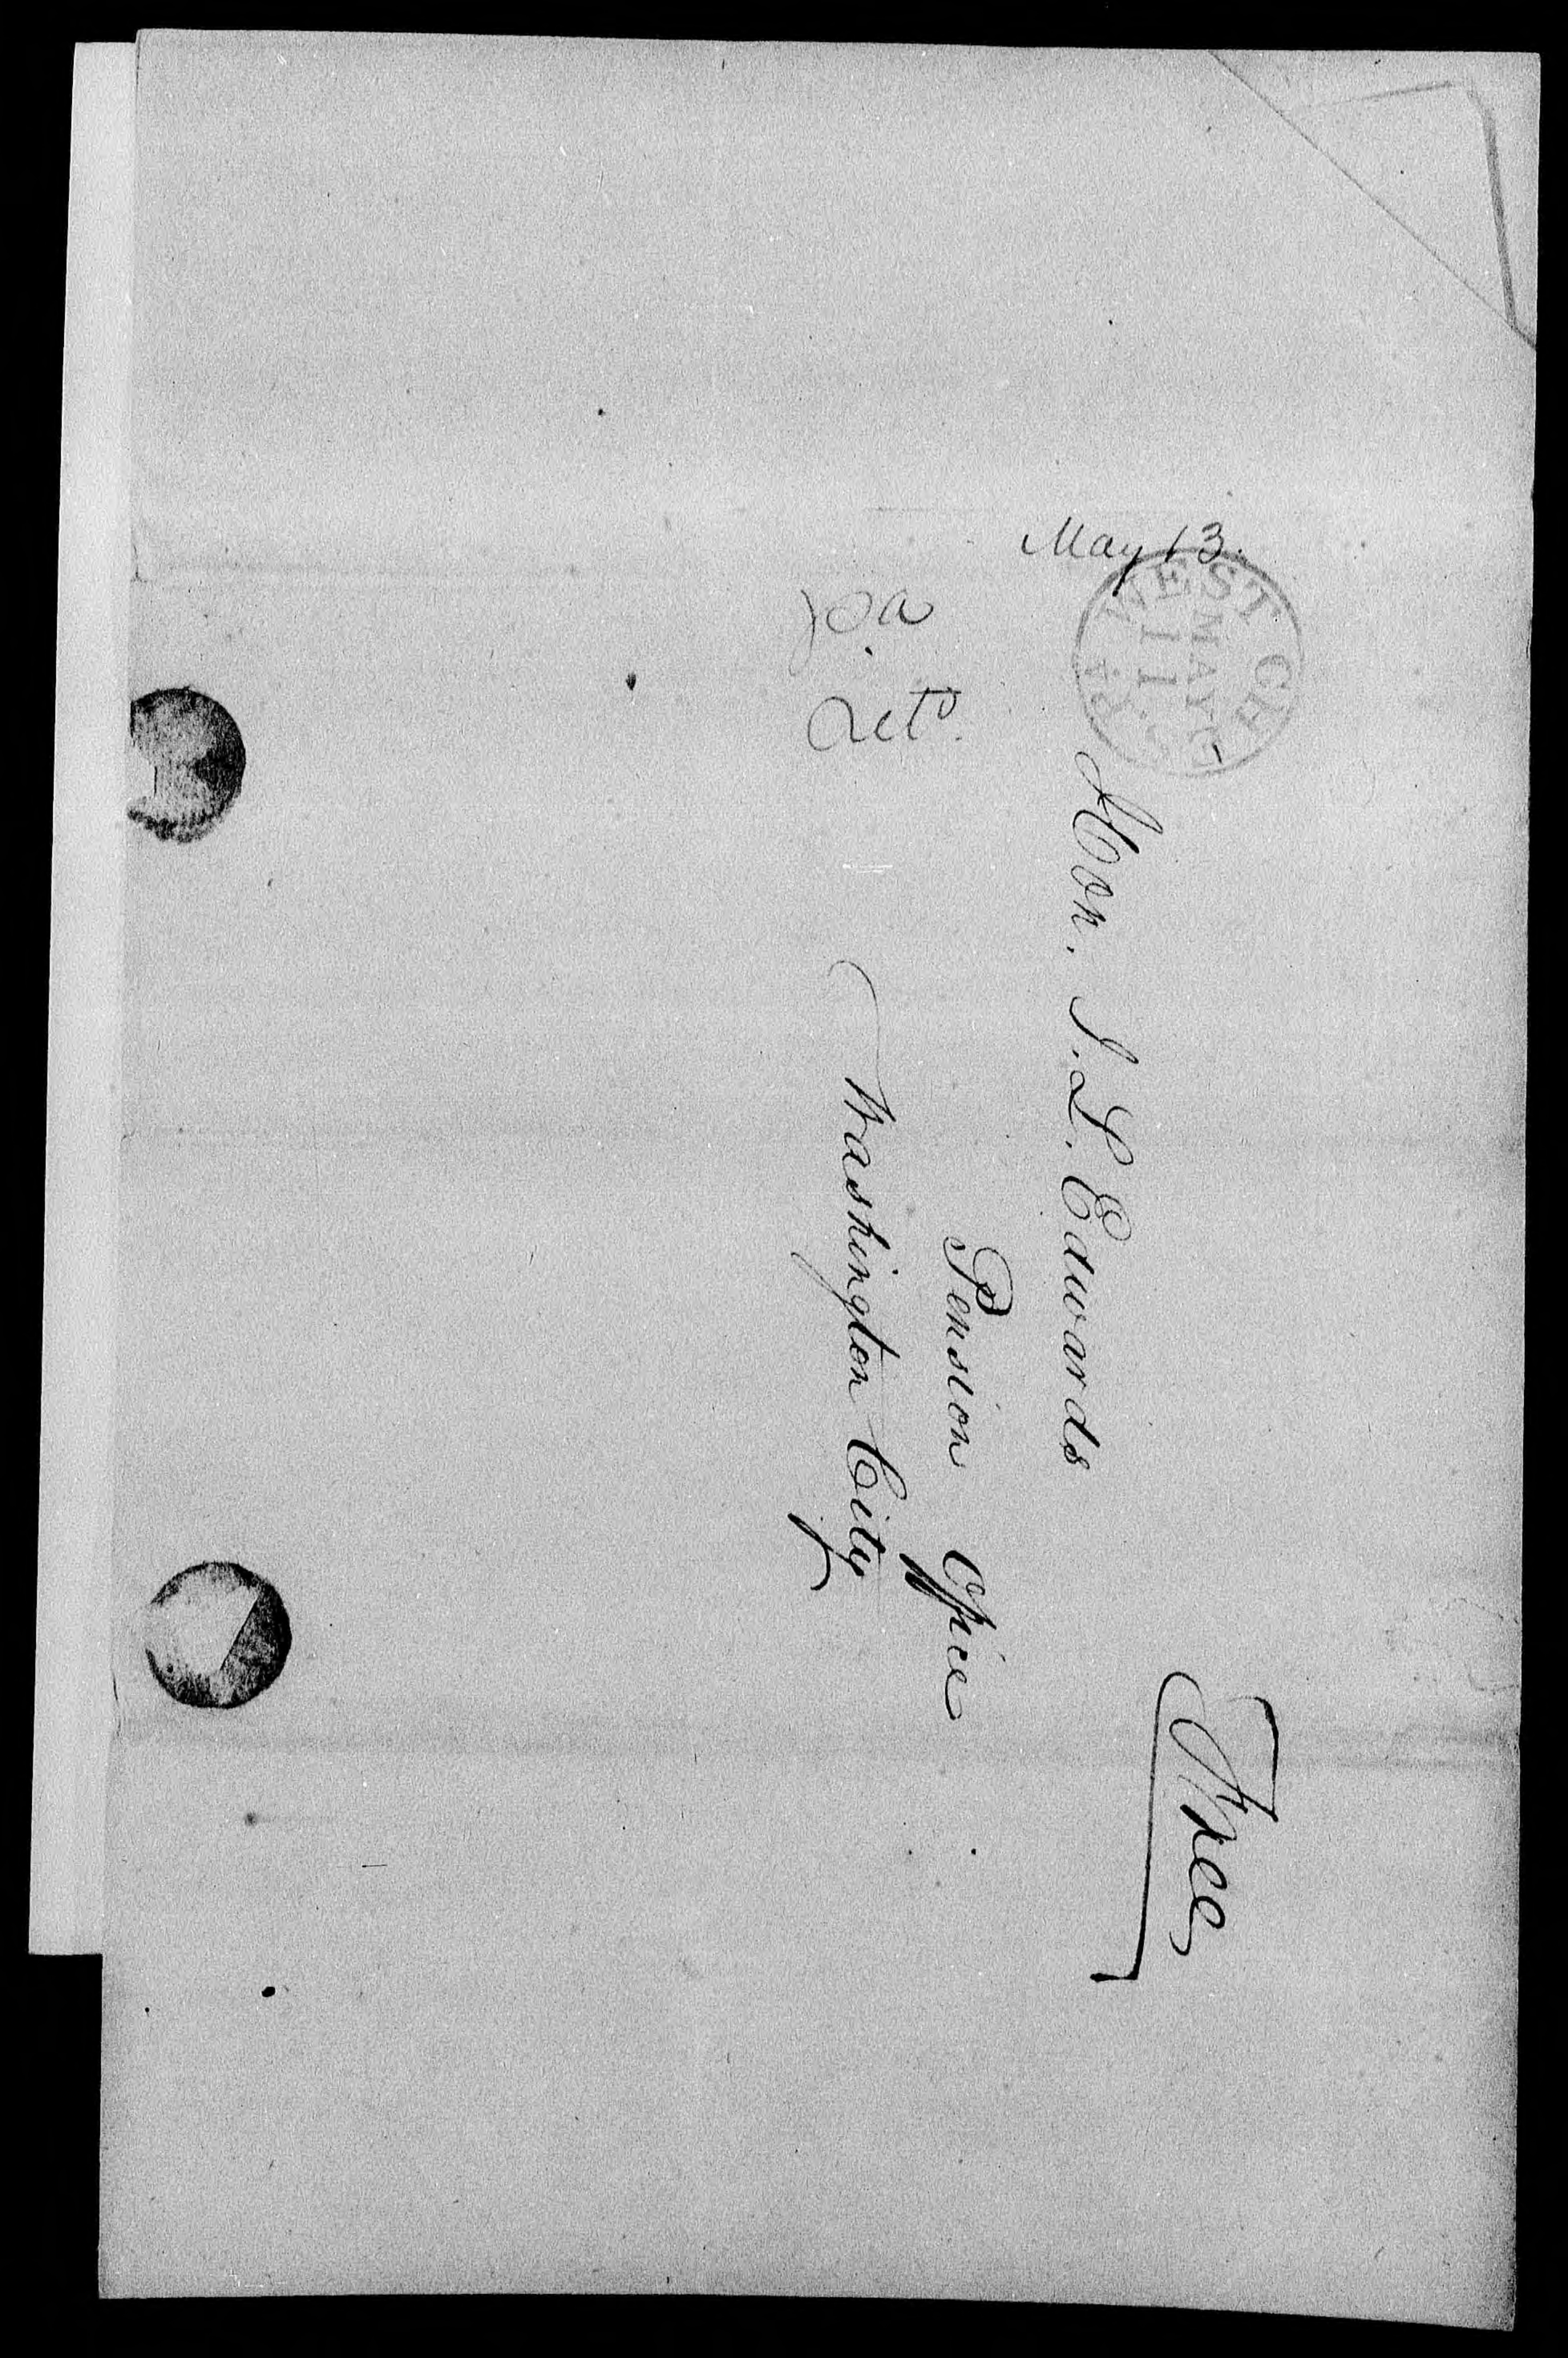Free
Hon. J. L. Edwards
Pension Office
Washington City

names: J L Edwards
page: 18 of 19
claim: survivor's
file: S. 12626, David Crosby, Penn.